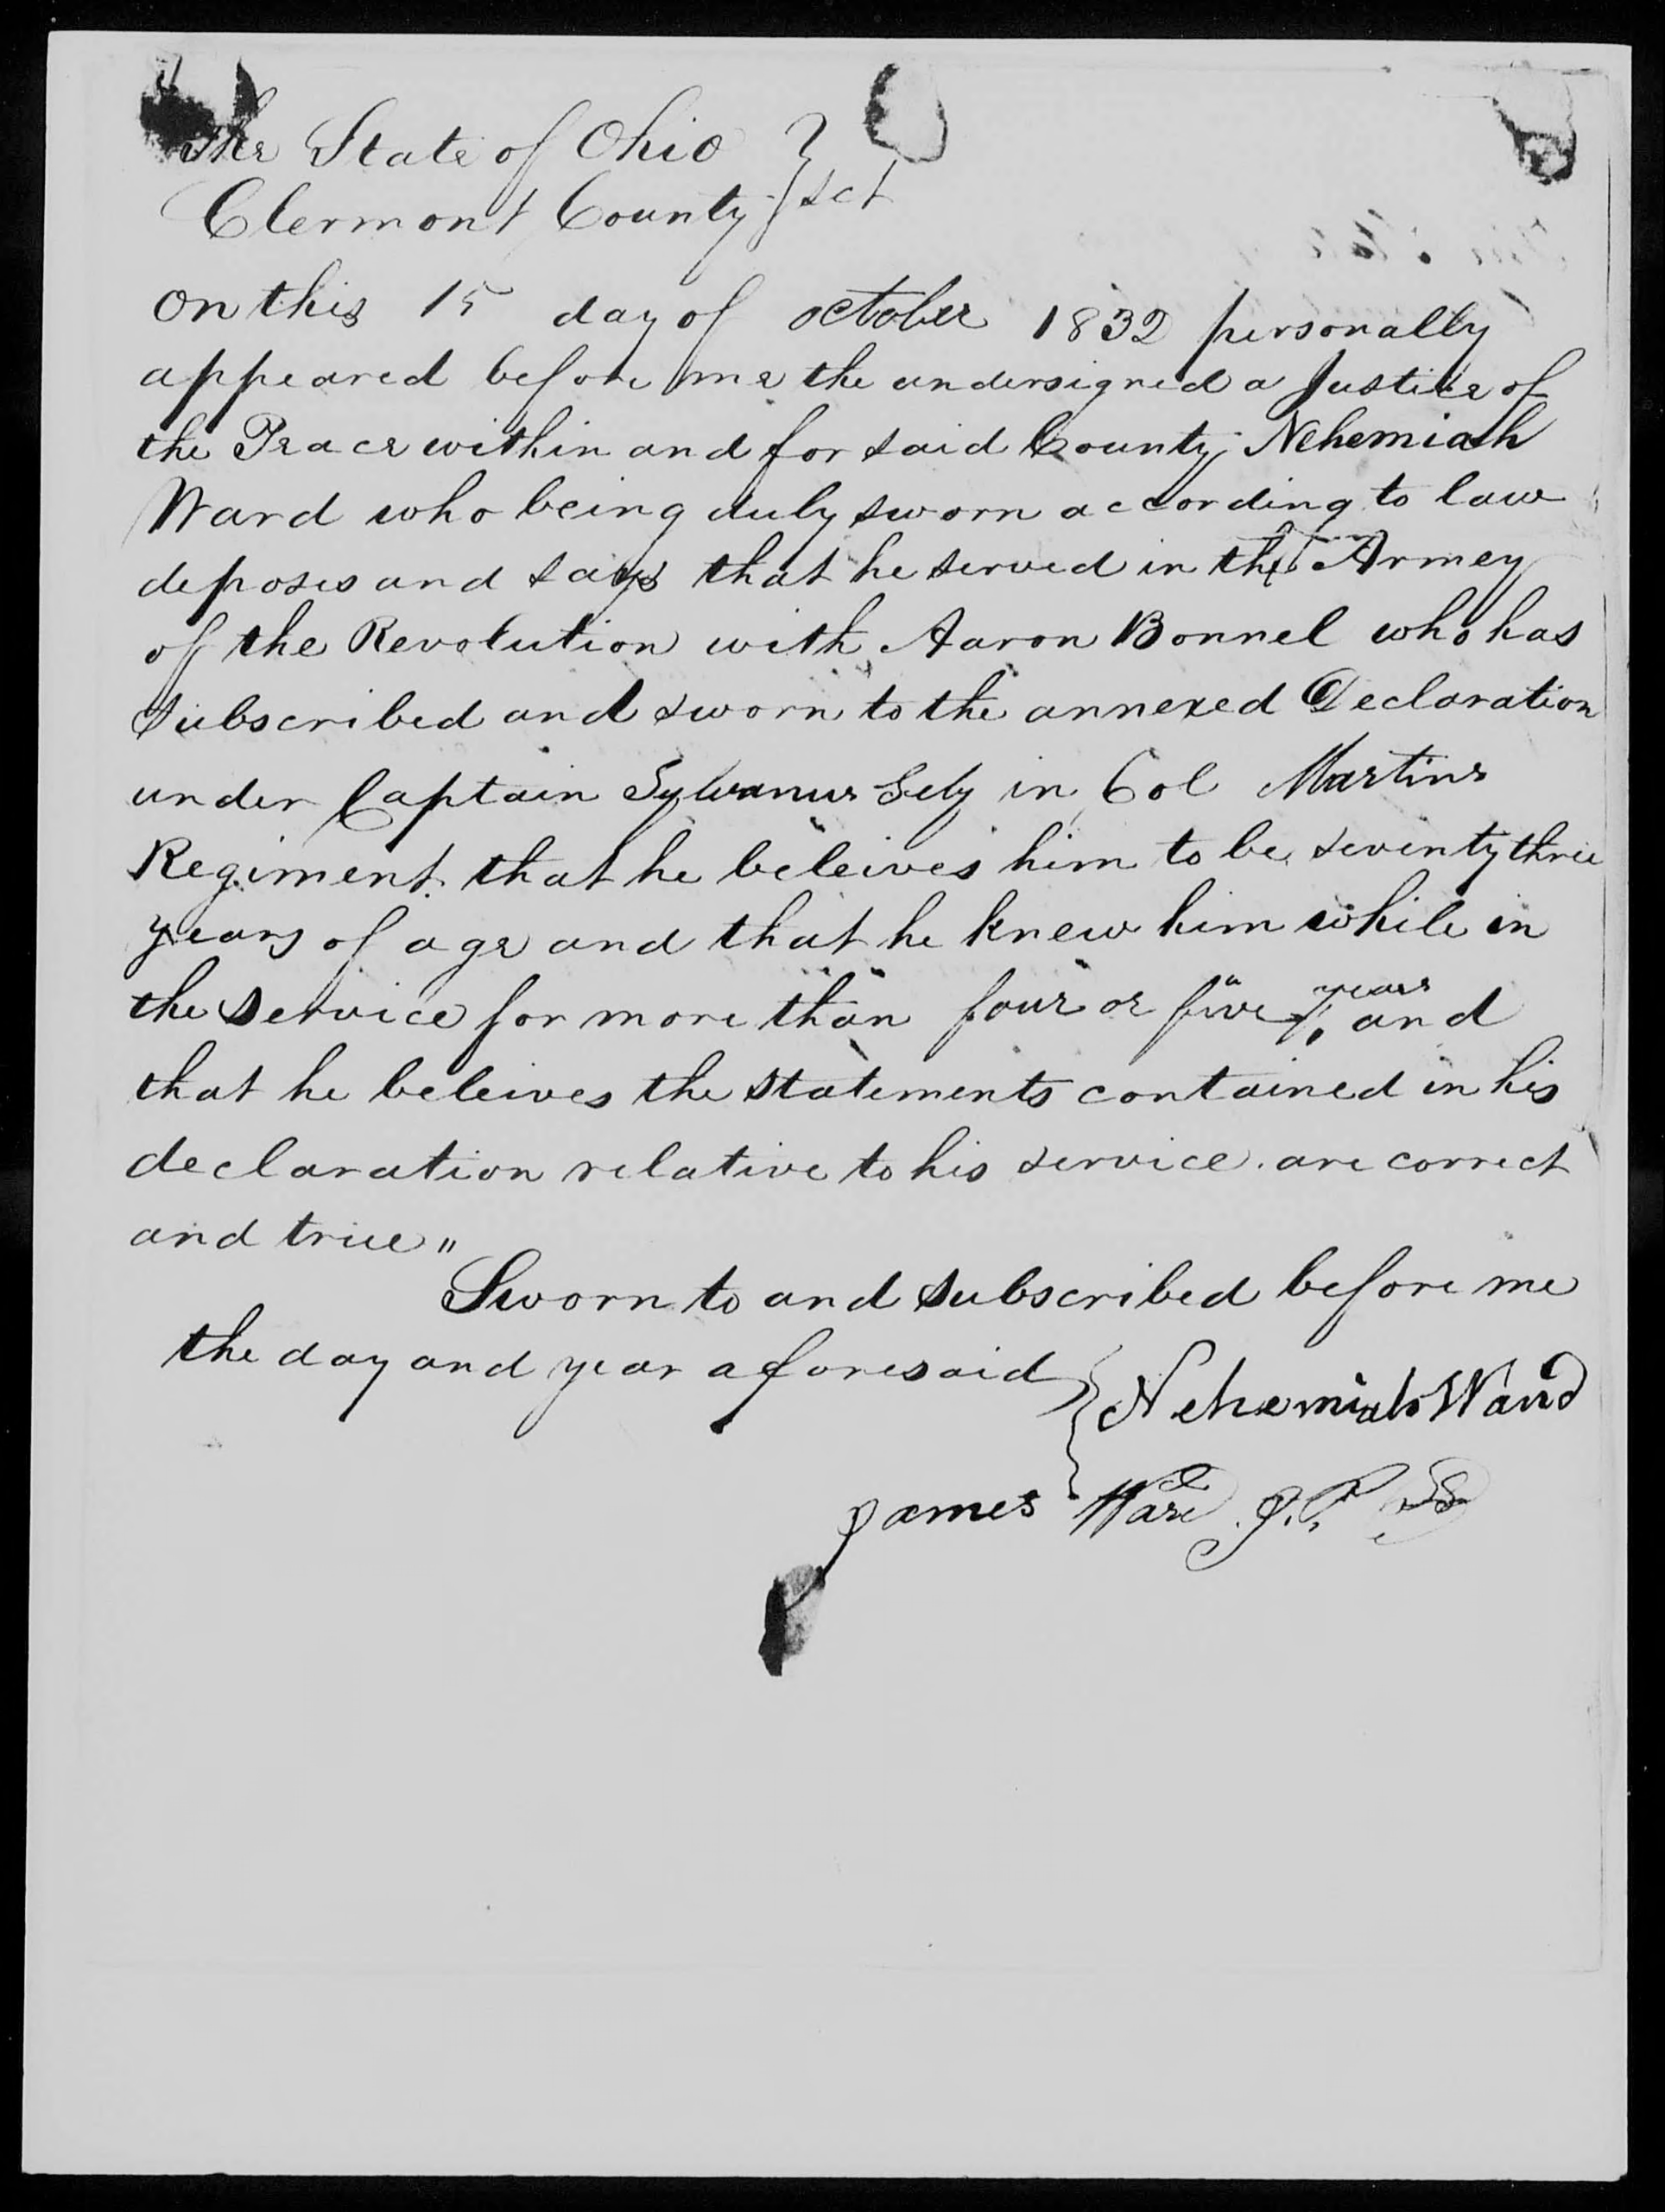The State of Ohio
Clermont County }sct
On this 15 day of October 1832 personally appeared before me the undersigned a Justice of the Peace within and for said County Nehemiah Ward who being duly sworn according to law deposes and says that he served in the Army of the Revolution with Aaron Bonnel who has subscribed and sworn to the annexed declaration under Captain Sylvanus Seely in Col. Martin's regiment, that he believes him to be seventy three years of age and that he knew him while in the service for more than four or five years and that he believes the statements contained in his declaration relative to his service are correct and true.  
Sworn to and subscribed before me the day and year aforesaid.
Nehemiah Ward
James Ward J. P.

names: Aaron Bonnel, Nehamiah Warrd, James Ward, Nehemiah Ward, Sylvanus Seely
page: 23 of 67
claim: rejected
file: R. 1009, Aaron Bonnel, New Jersey